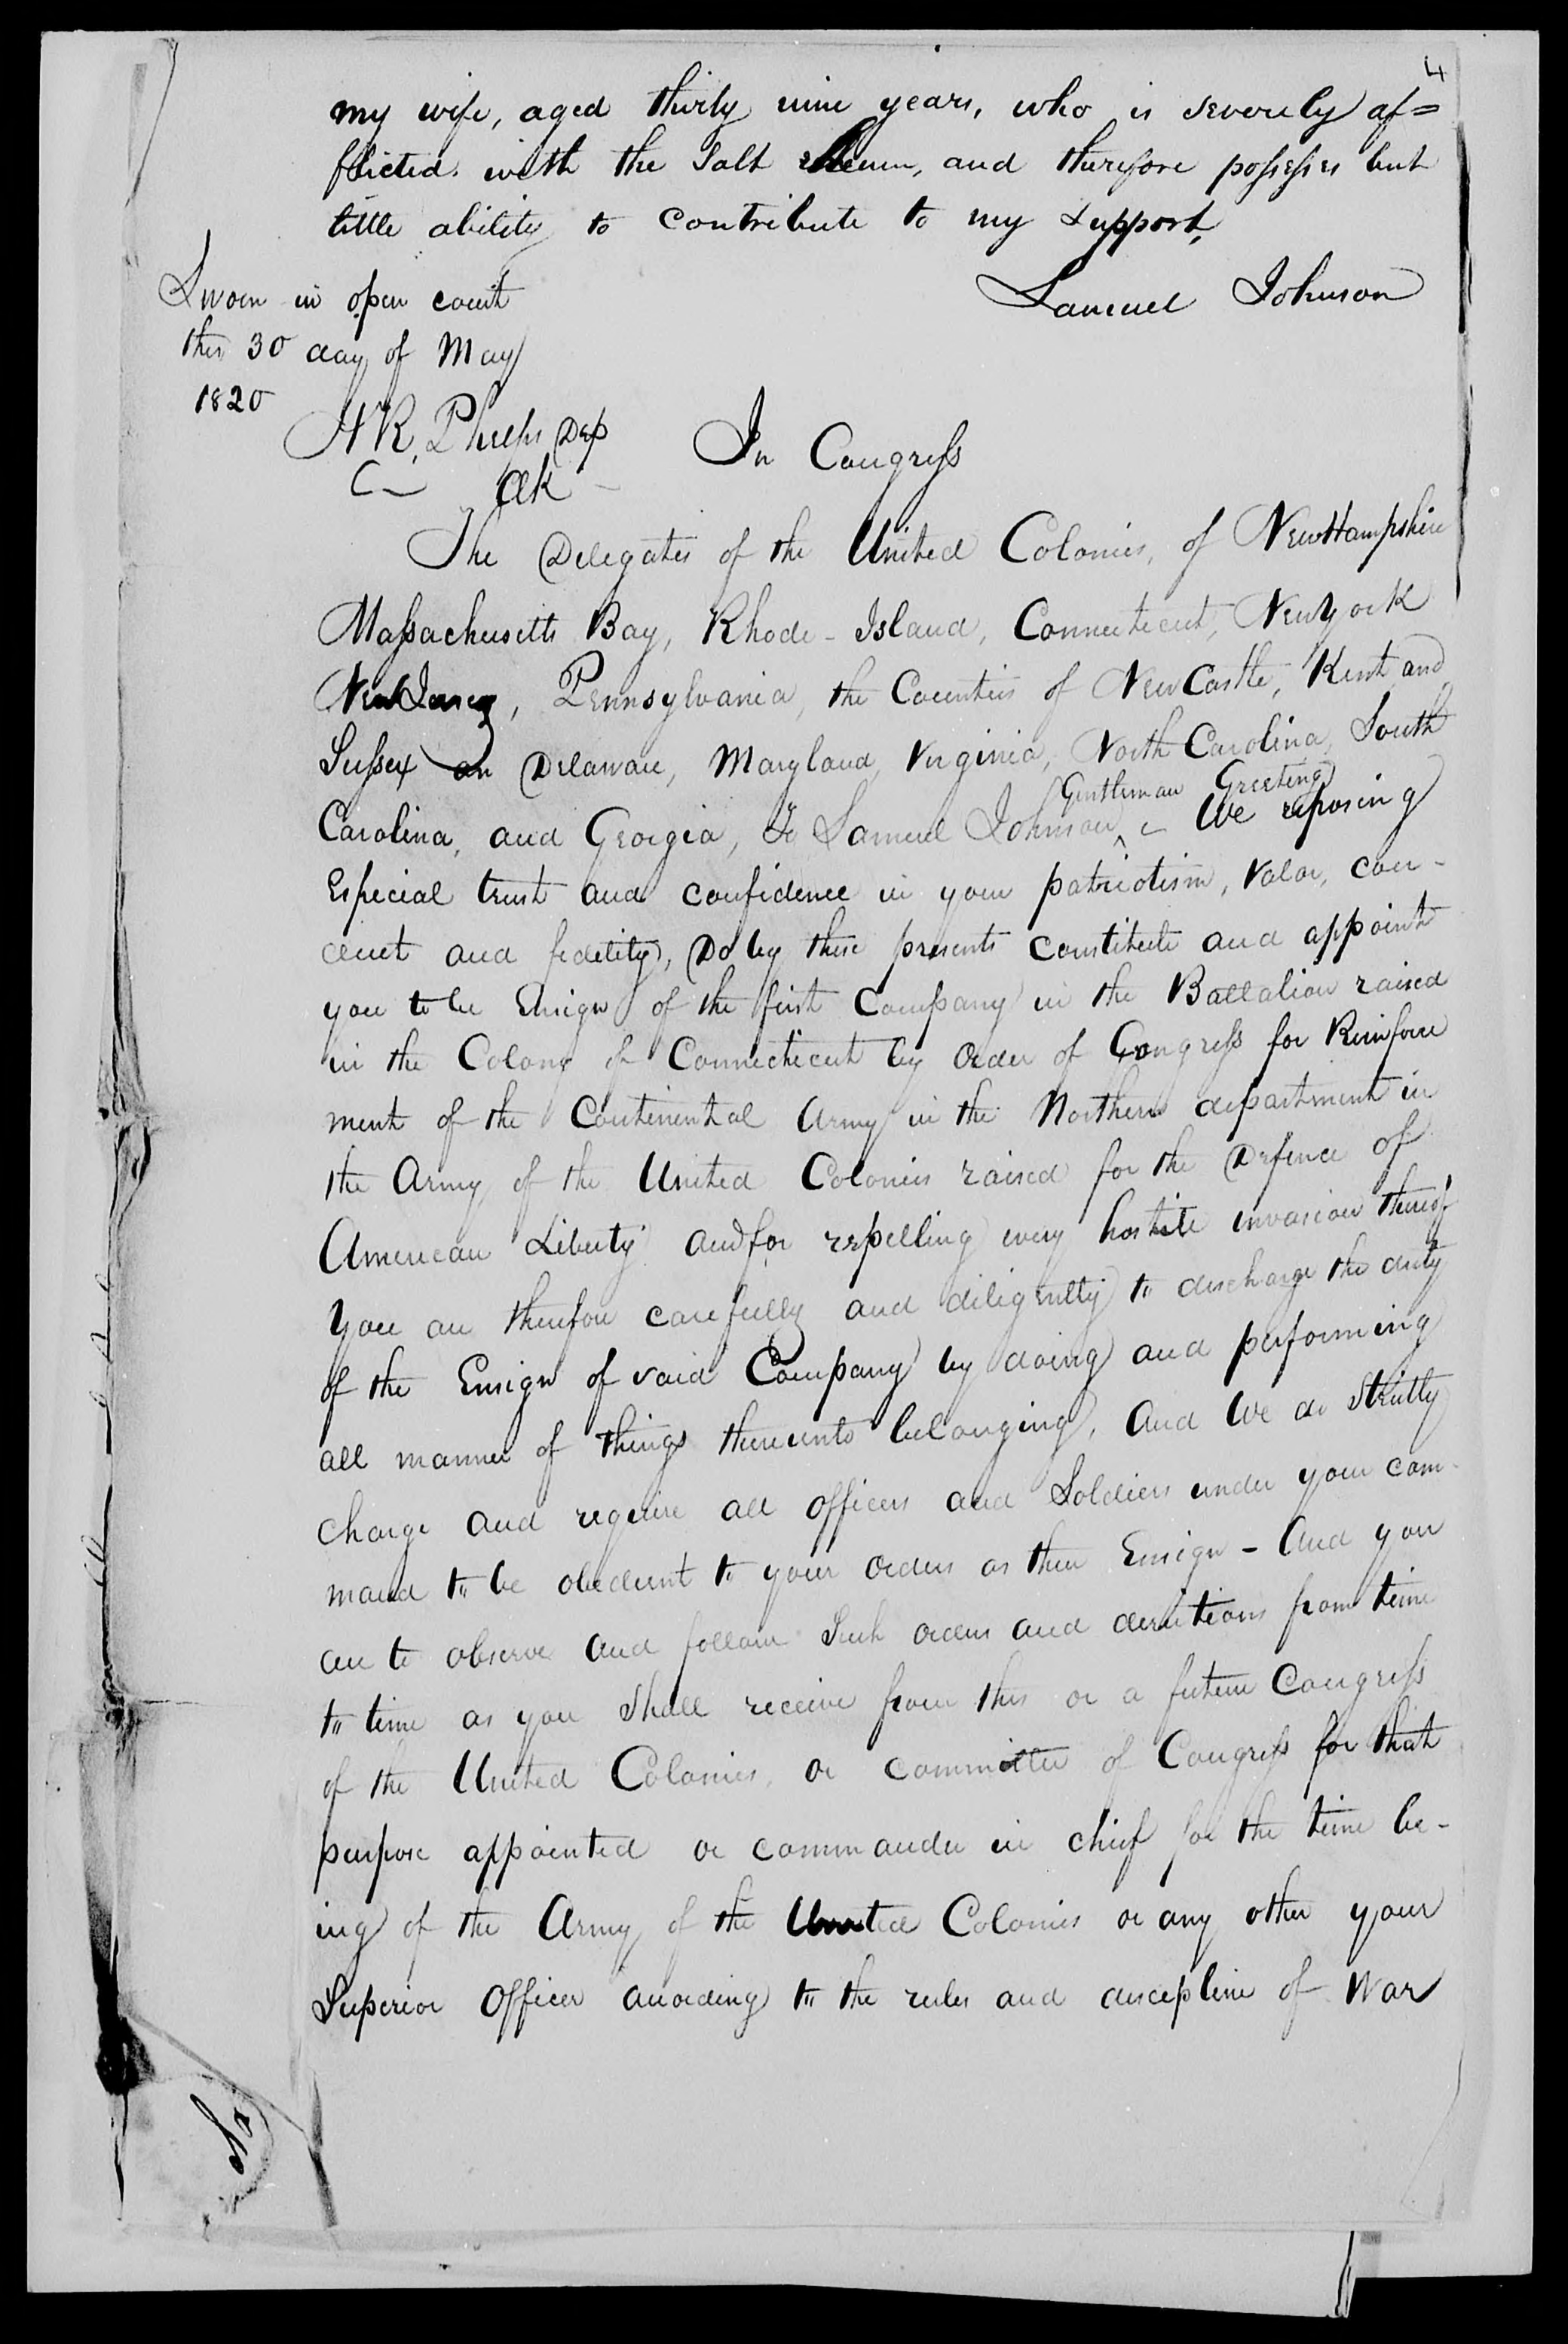my wife, aged thirty nine years, who is severely afflicted with the Salt [unreadable], and therefore possesses but little ability to contribute to my support 
Samuel Johnson
Sworn in open court this 30 day of May 1820
 H.R. Phipps Dep Clk  
In Congress 
The Delegates of the United Colonies, of New Hampshire Massachusetts Bay, Rhode Island, Connecticut, New York 1 New Jersey, Pennsylvania, the Counties of New Castle, Kent and Sussex in Delaware, Maryland, Virginia, North Carolina, South Carolina , and Georgia, Gentleman Greeting   To Samuel Johnson especial trust and confidence in your patriotism, Valor, [unreadable] and fidelity, Do by these presents constitute and appoint you to be of the first company in the Battalion raised in the Colony of Connecticut by order of Congress for Reinforcement of the Continental Army in the Northern department in the Army of the United Colonies raised for the Defence of  American Liberty and for repelling every hostile invasion thereof  you are therefore carefully and diligently to discharge the duty of the Ensign of said Company, by doing and performing all manner of things thereunto belonging, and we do strictly charge and require all officers and Soldiers under your command to be obedient to your orders as their Ensign. and you are to observe and follow such orders and directions from time to time as you shall receive from this or a future Congress of the United Colonies, or Committee of Congress for that purpose appointed or commander in chief for the time being of the Army of the United Colonies or any other your Superior Officer according to the rules and discipline of War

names: H R Phelps; Samuel Johnson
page: 11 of 43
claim: rejected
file: R. 5655, for Samuel Johnson, Connecticut